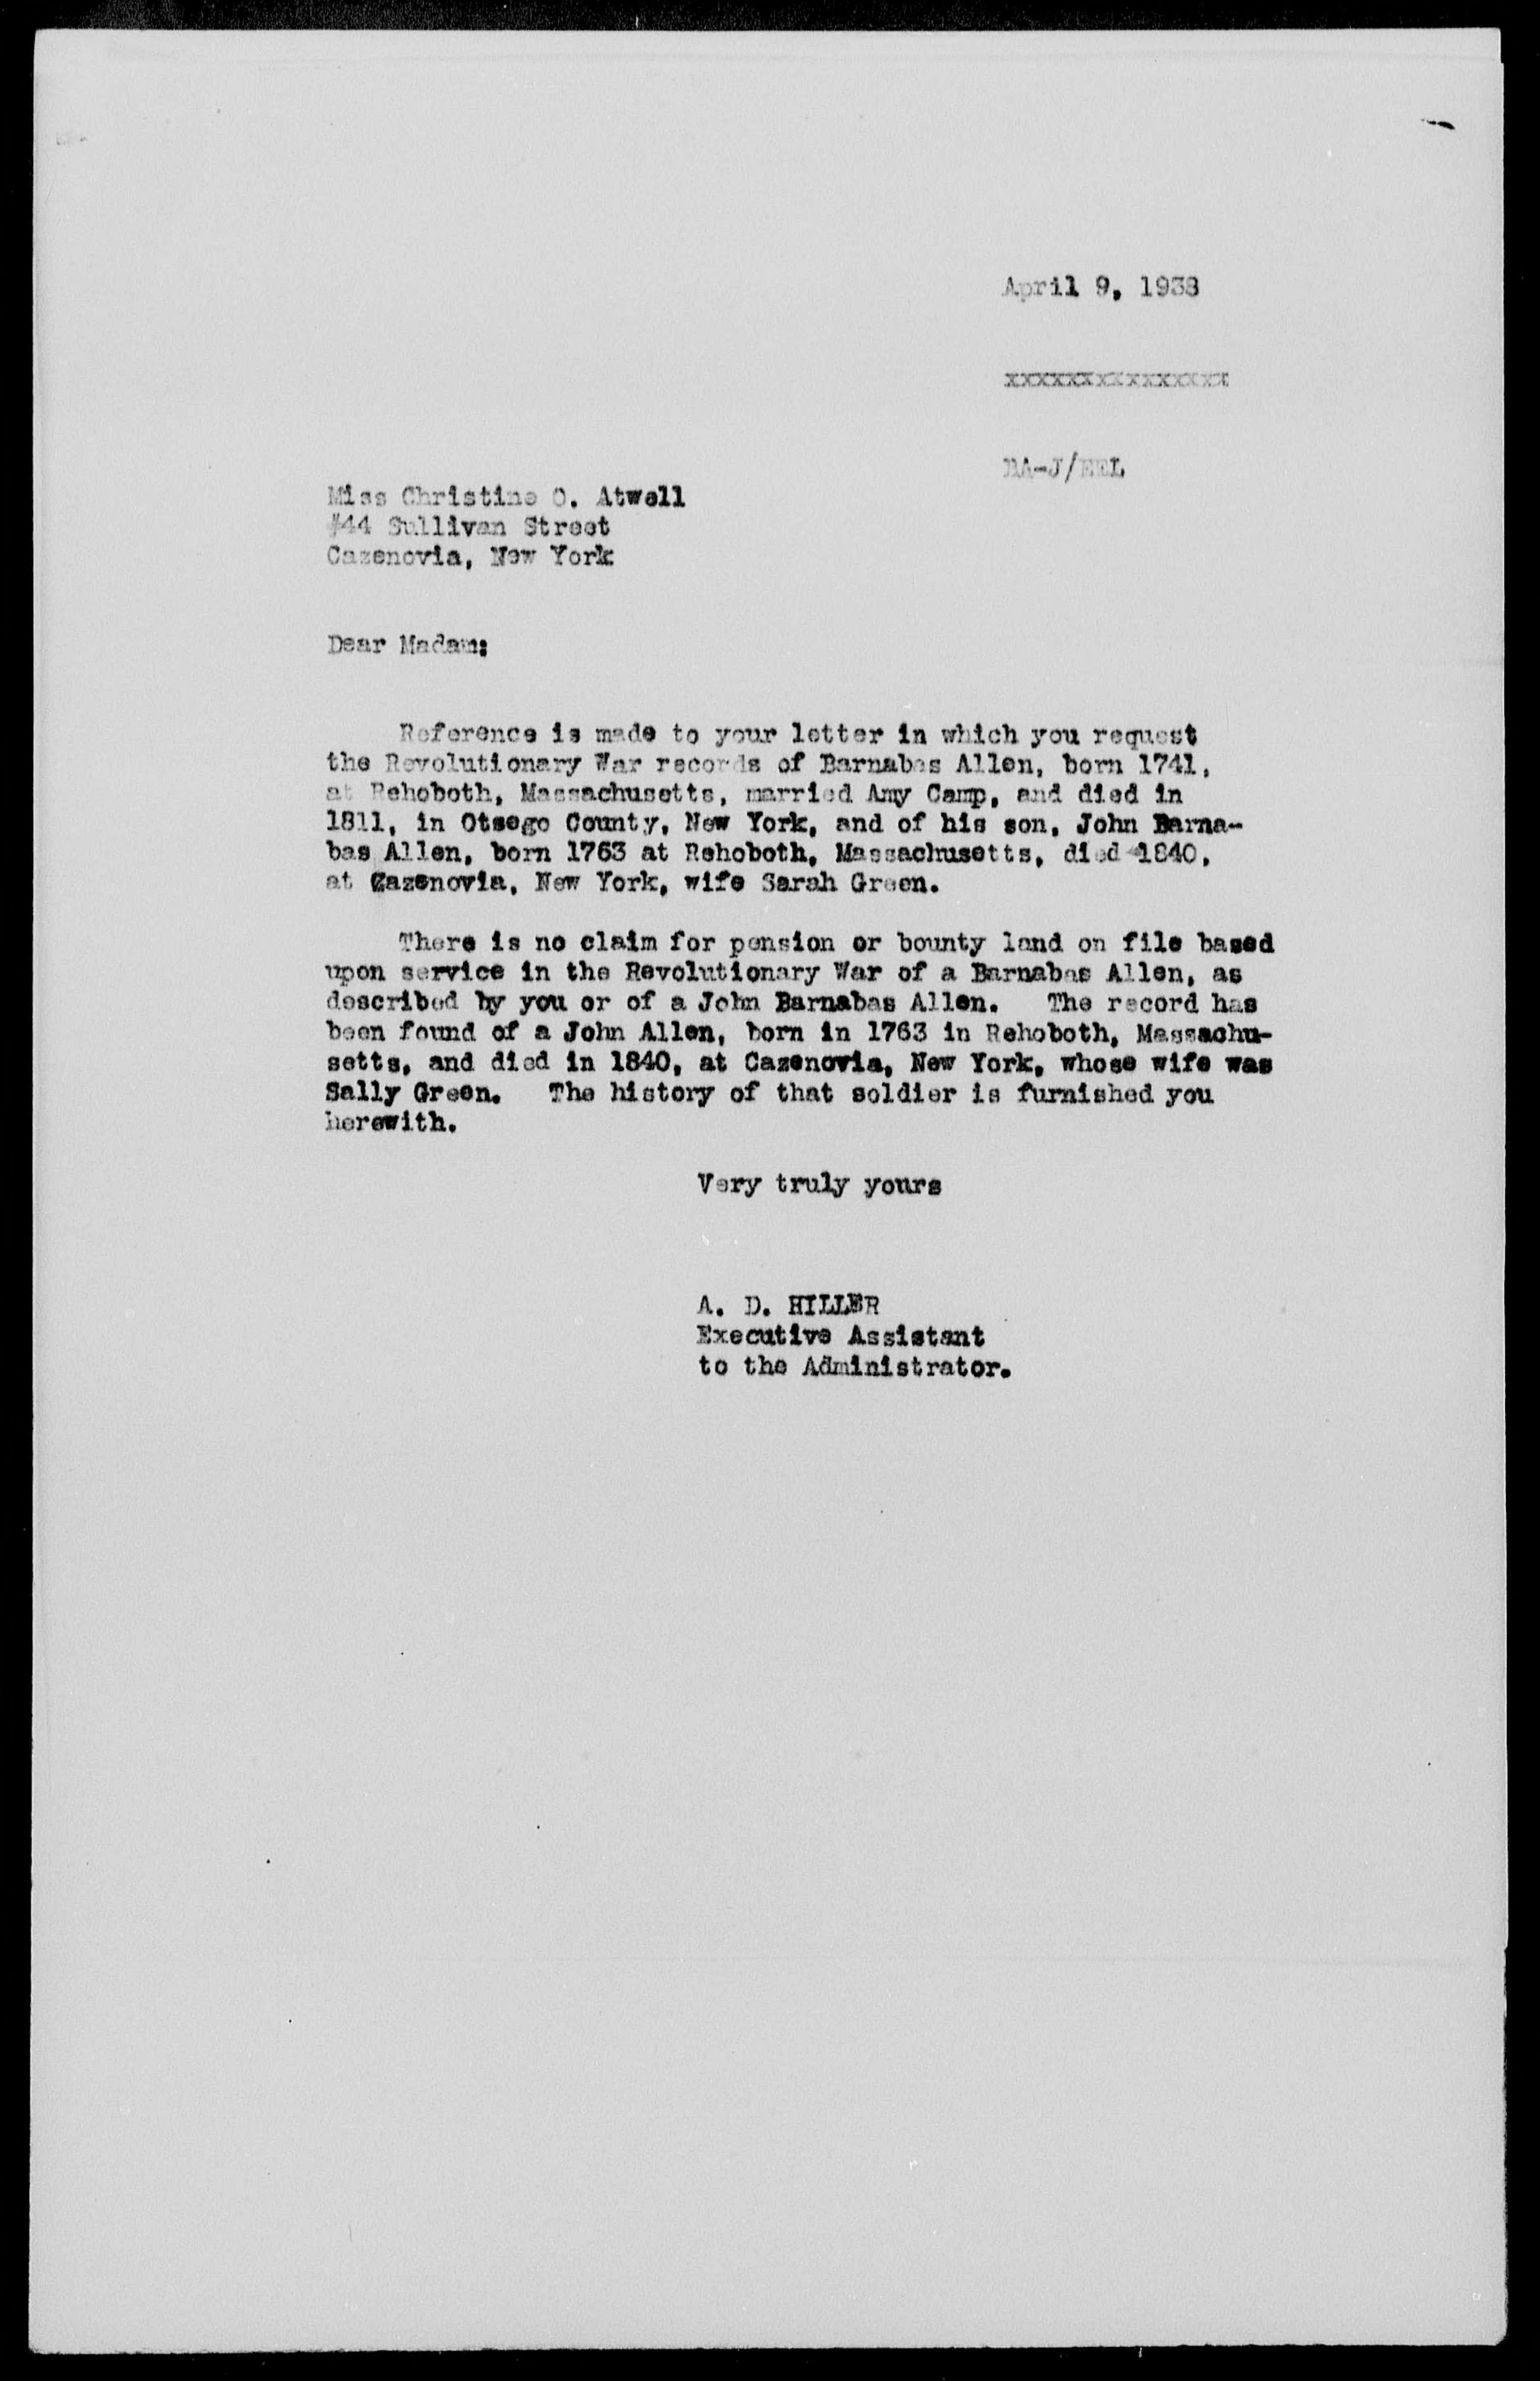April 9, 1938 
XXXXXX
BA-J/EEL


Miss Christine O. Atwell #44 Sullivan Street Cazenovia, New York 
Dear Madam: 
Reference is made to your letter in which you request the Revolutionary War records of Barnabas Allen, born 1741, at Rehoboth, Massachusetts, married Amy Camp, and died in 1811, in Otsego County, New York, and of his son, John Barnabas Allen, born 1763 at Rehoboth, Massachusetts, died 1840, at Cazenovia, New York, wife Sarah Green. There is no claim for pension or bounty land on file based upon service in the Revolutionary War of a Barnabas Allen, as described by you or of a John Barnabas Allen. The record has been found of a John Allen, born in 1763 in Rehoboth, Massachusetts, and died in 1840, at Cazenovia, New York, whose wife was Sally Green. The history of that soldier is furnished you herewith. 
Very truly yours 
A. D. HILLER Executive Assistant to the Administrator.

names: Christine O Atwell, Sarah Green, John Barnabas Allen, Barnabas Allen, John Allen, A D Hiller, Sally Green, Barnabas Allen, John Barnabas Allen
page: 70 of 74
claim: widow's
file: W. 23424, John Allen, Mass. R. I.